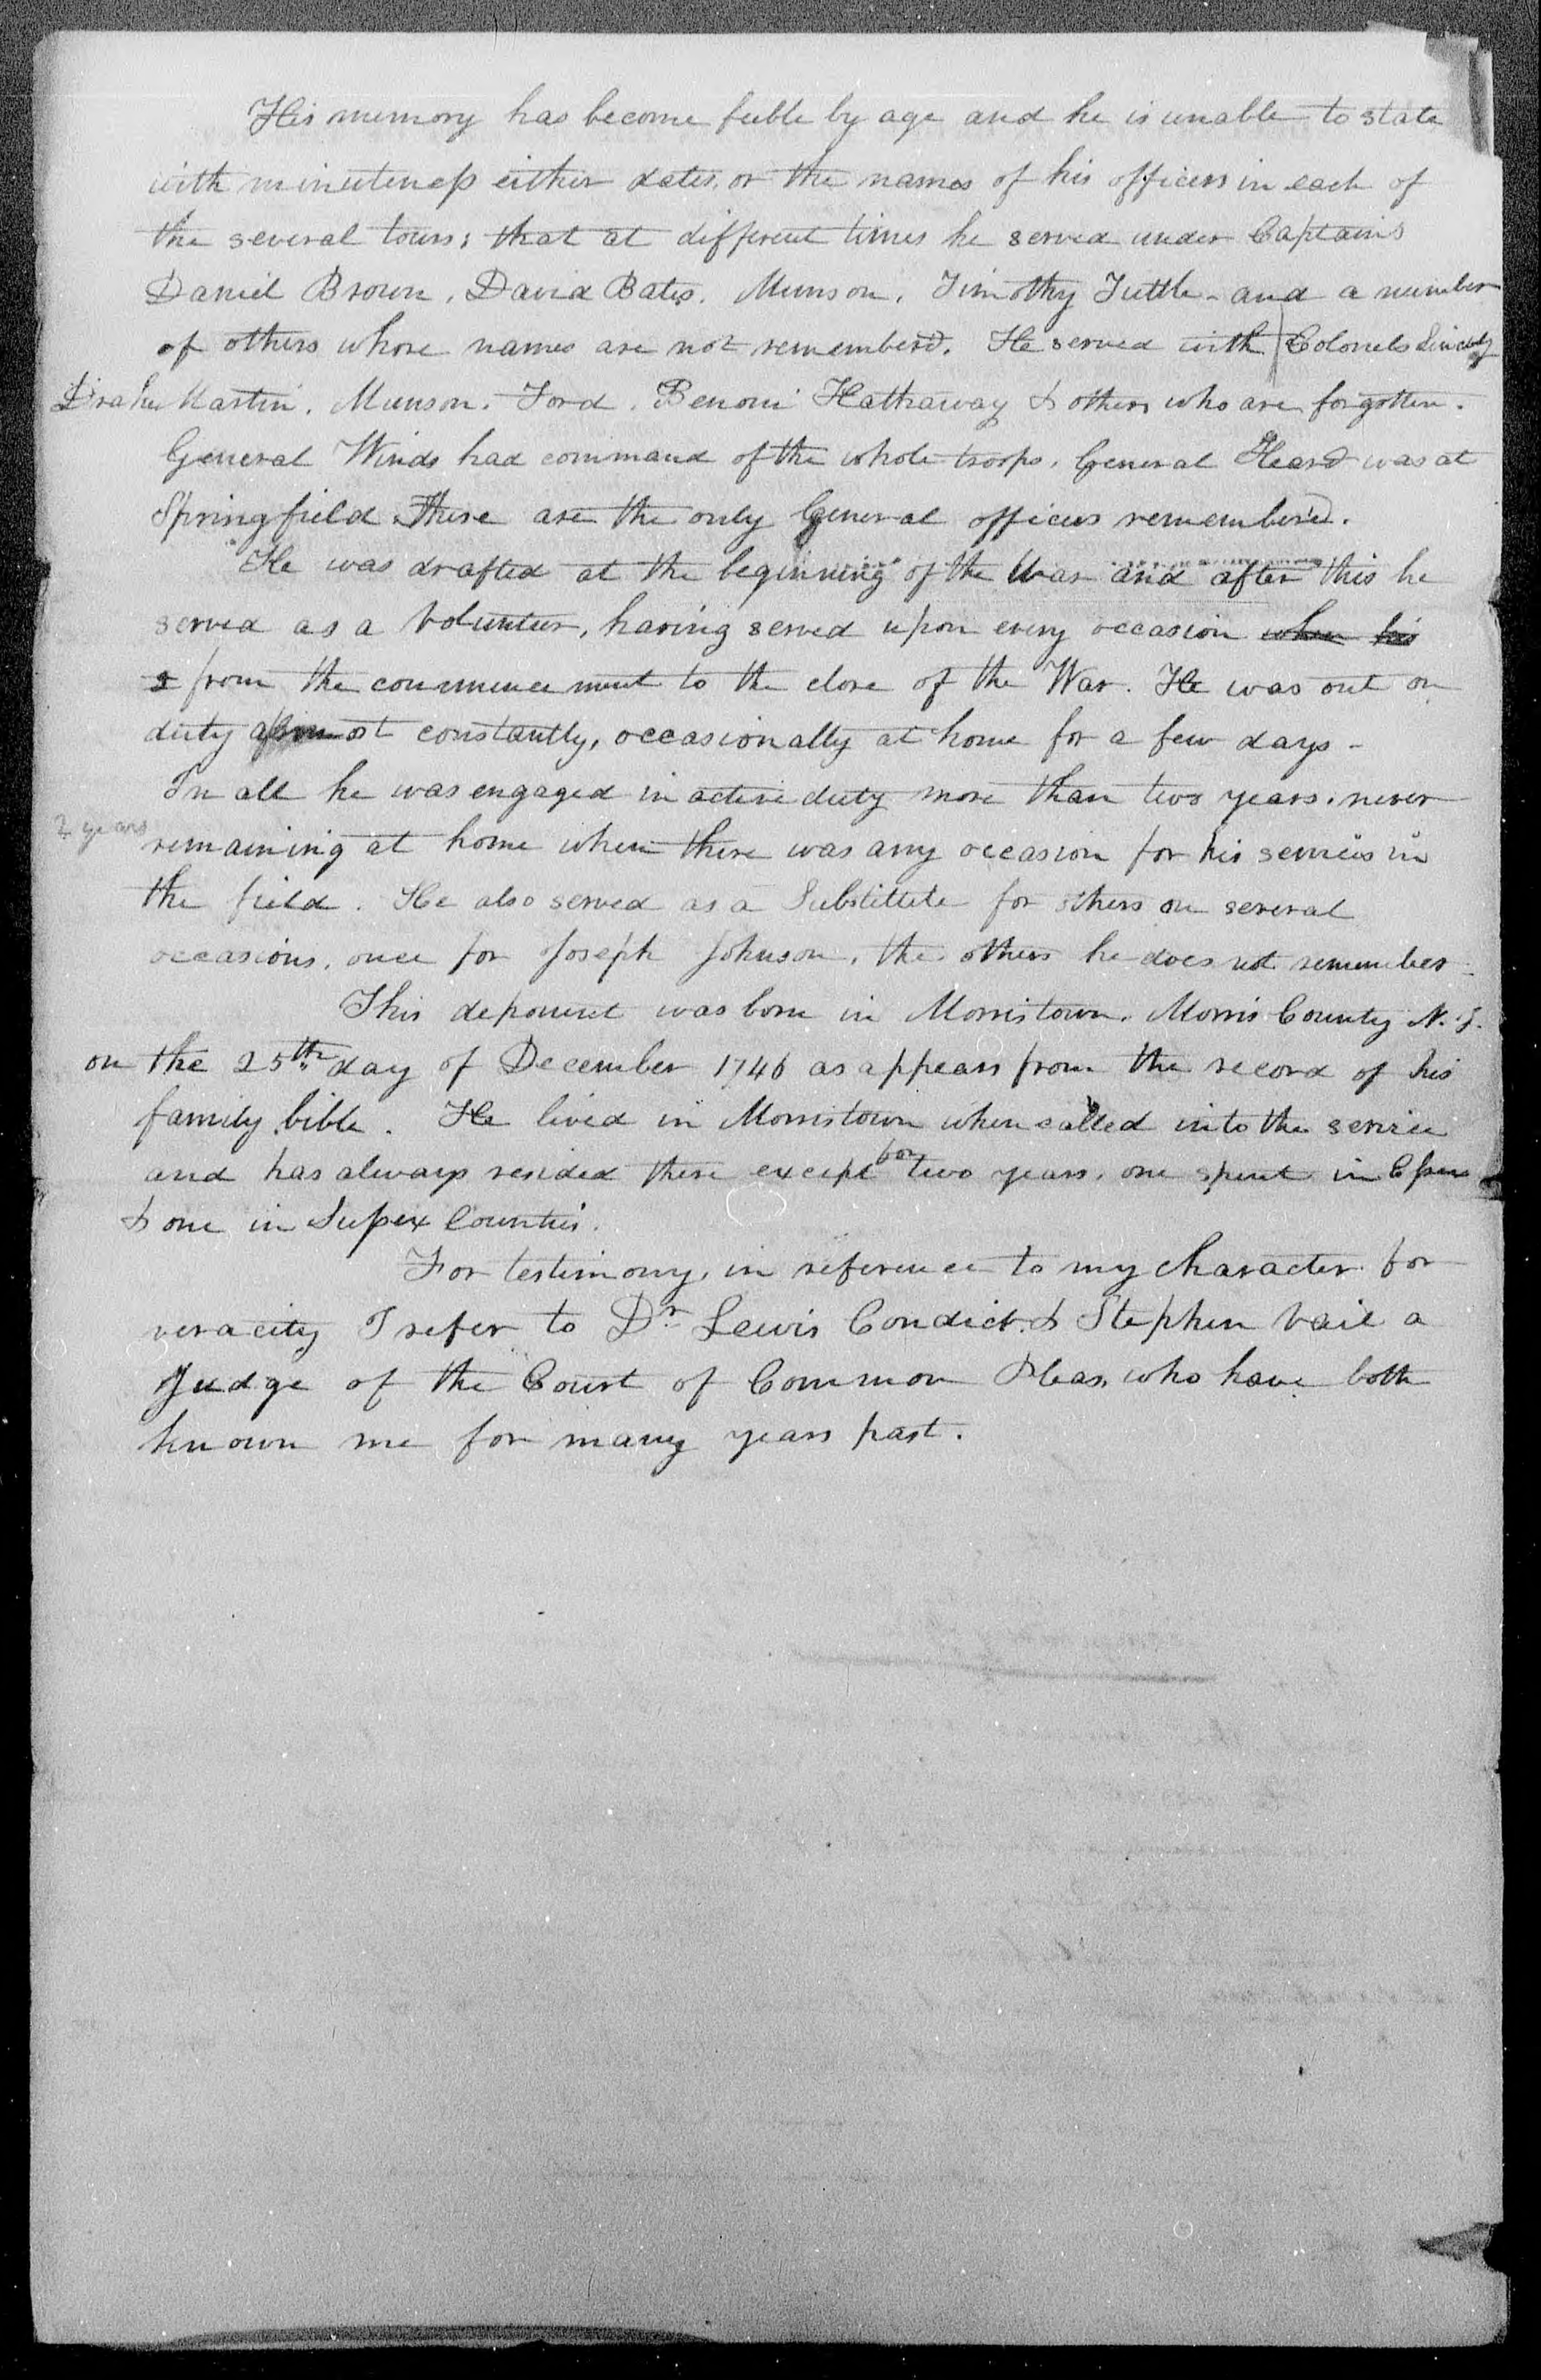His memory has become feeble by age and he is unable to state with minuteness either dates or the names of his officers in each of the several tours; that at different times he served under Captains Daniel Brown, David Bates, Munson, Timothy Tuttle, and a number of others whose names are not remembered.  He served with Colonels S[?], Drake Martin, Munson, Ford, Benoni Hathaway and others who are forgotten.  General Winds has command of the whole troops, General Heard was at Springfield.  These are the only General officers remembered. 
He was drafted at the beginning of the war and after this he served as a volunteer, having served upon every occasion from the commencement to the close of the war.  He was out on duty almost constantly, occasionally at home for a few days.  In all he was engaged in active duty more than two years never remaining at home when there was any occasion for his services in the field.  He also served as a substitute for others on several occasions, once for Joseph Johnson, the others he does not remember.  
This [?] was born in Morristown, Morris County N. J. on the 25th day of December 1746 as appears from the record of his family bible.  He lived in Morristown when called into the service and has always resided there except for two years, one spent in Essex and one in Sussex counties.
For testimony in reference to my character for veracity I refer to Dr. Lewis Condict and Stephen Vail, a judge of the court of Common Pleas, who have both known me for many years past.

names: Ford, Joseph Johnson, Munson, Munson, Drake Martin, Lindly, Stephen Vail, Daniel Brown, David Bates, Timothy Tuttle, Winds, Benoni Hathaway, Heard, Lewis Condict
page: 5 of 38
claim: widow's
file: W. 6644, Jacob Casterline, New Jersey